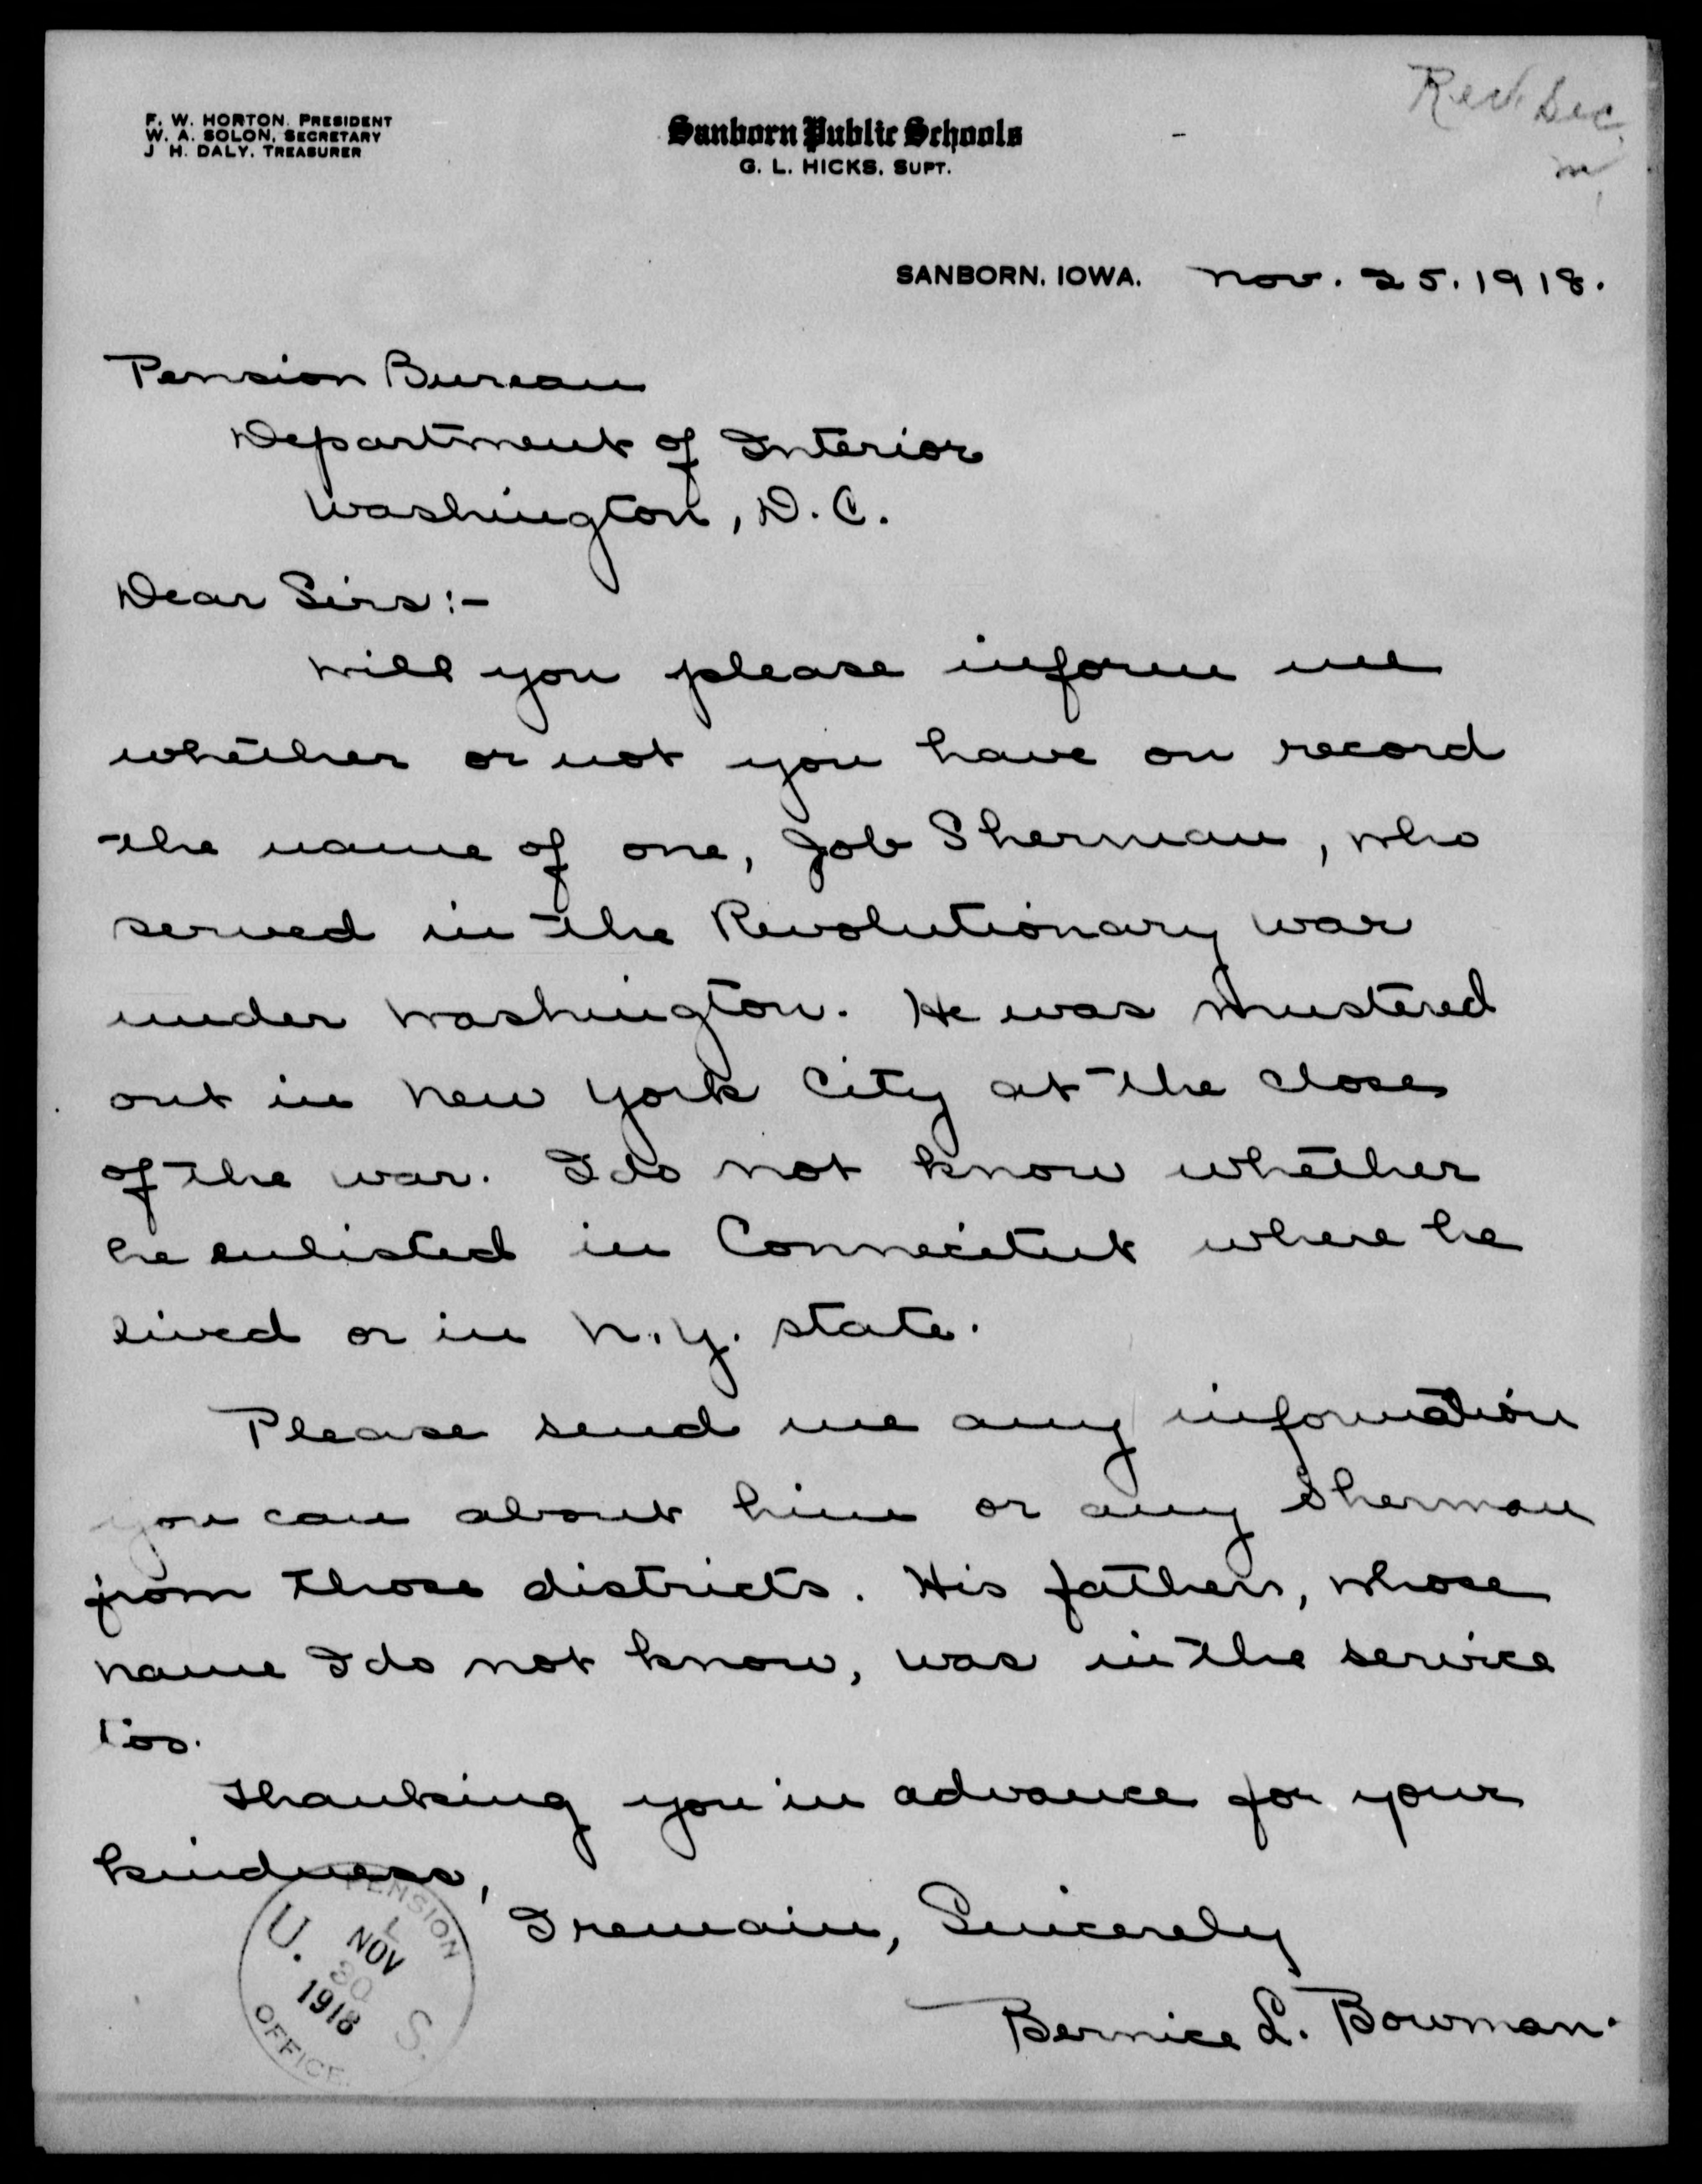[doc is printed, stamped & written]

Revy Sec
M

F.W. HORTON. PRESIDENT          Sanborn Public Schools
W.A. SOLON. SECRETARY             G.L. HICKS. SUPT.
J.H. DALY. TREASURER

SANBORN, IOWA Nov.25.1918.

Pension Bureau
Department of Interior
Washington, D.C.

Dear Sirs:--
Will you please inform me
whether or not you have on record
the name of one, Job Sherman, who
served in the Revolutionary war
under Washington. He was mustered
out in New York City at the close
of the war. I do not know whether
he enlisted in Connecticut where he
lived or in N.Y. state.

Please send me any information
you can about him or any Sherman
from those districts. His father, whose
name I do not know, was in the service
too.

Thanking you in advance for your
kindness.
I remain Sincerely
Bernice L. Bowman.

[pension office mail room stamp  for Nov 30 1918 in lower left corner]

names: Bernice L Bowman; F W Horton; Job Sherman; J H Daly; [BLANK] Shermon; W A Solon; [BLANK] Washington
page: 9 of 10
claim: survivor's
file: S. 28,874, for Job Shearmon, New York